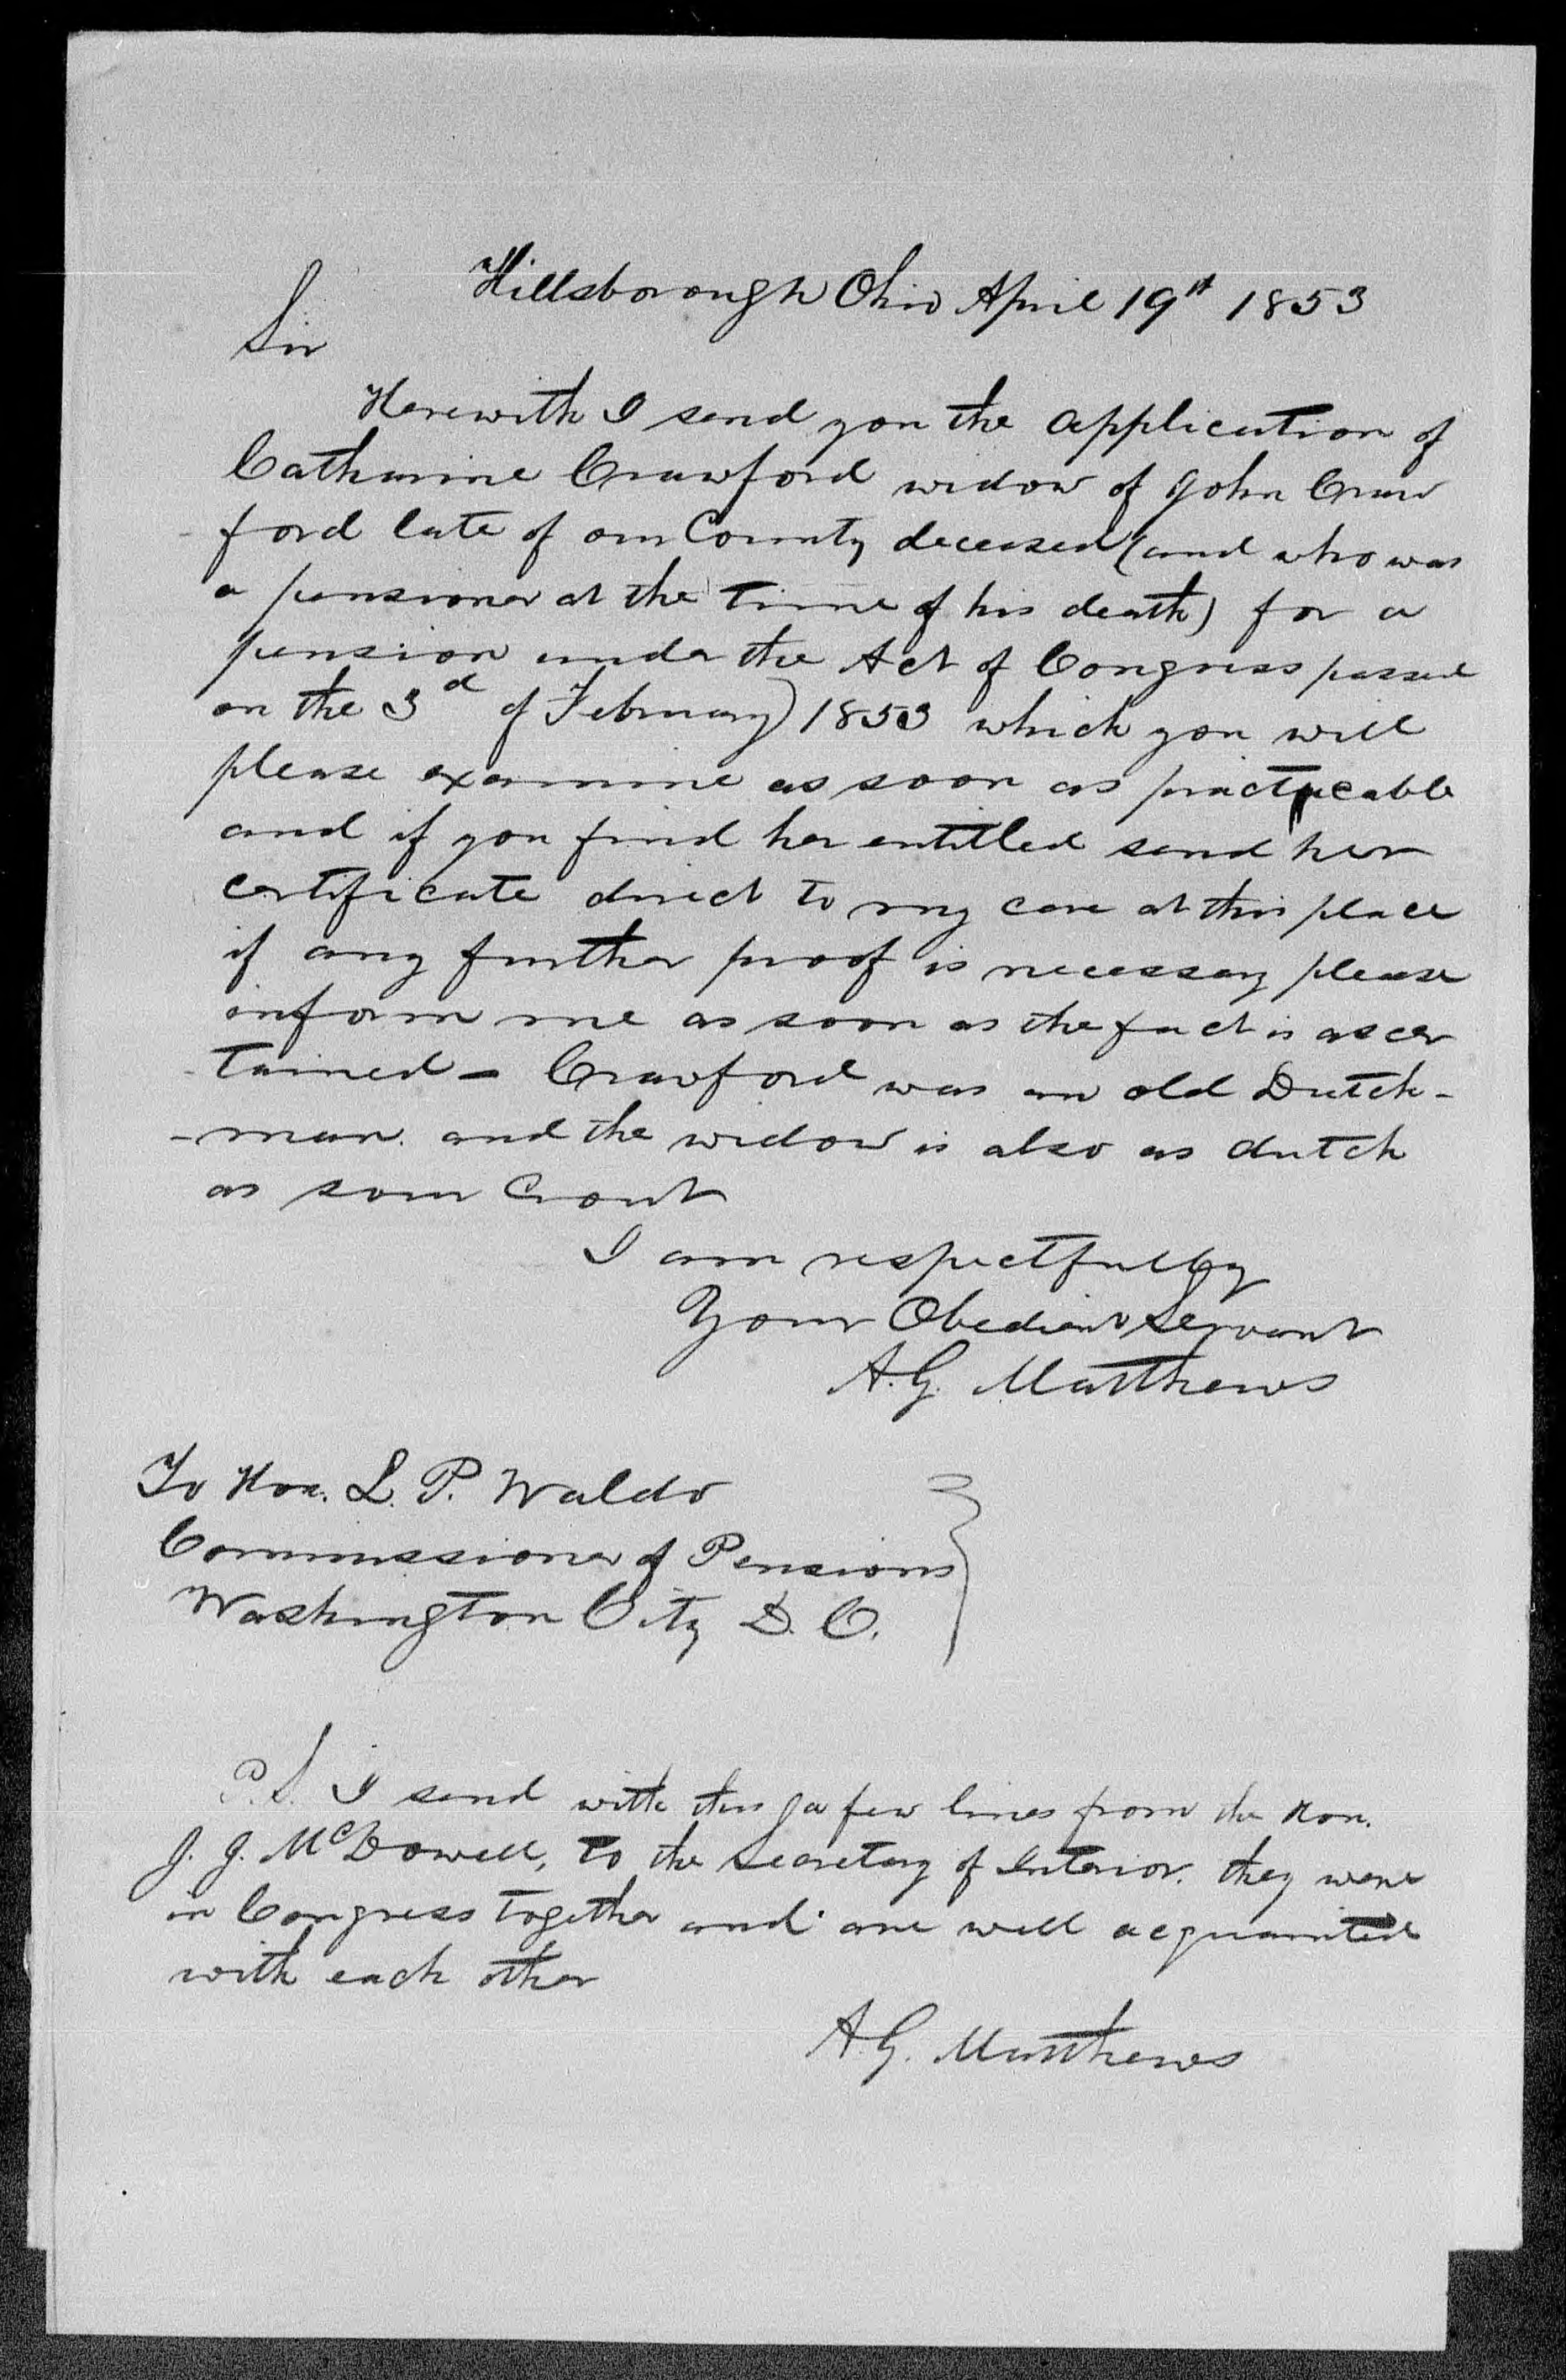Hillsborough Ohio April 19, 1853
Sir,
Herewith I send you the application of
Catherine Crawford, widow of John Crawford late of our County deceased (and who was a
pensioner at the time of his death) for a
pension under the Act of Congress passed
on the 3d of February 1853, which you will
please examine as soon as practicable
and if you find her entitled, send her
certificate direct to my care at this place.
If any further proof is necessary, please
inform me as soon as the fact is ascertained - Crawford was an old Dutchman, and the widow is also as Dutch in some count
I am respectfully Your Obedient servant
A. G. Matthews

To Hon. L. P. Waldo
Commissioner of Pensions
Washington City DC

P.S. I send with this a few lines from the Hon.
J.J. McDowell, to the Secretary of Interior. They were in Congress together and are well acquainted with each other.
A. G. Mathews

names: A G Matthews, L P Waldo, Catharine Crawford, J J Mc Dowell, John Crawford, A G Matthews, Crawford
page: 39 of 80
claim: widow's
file: W 2070, John Crawford, Penn.